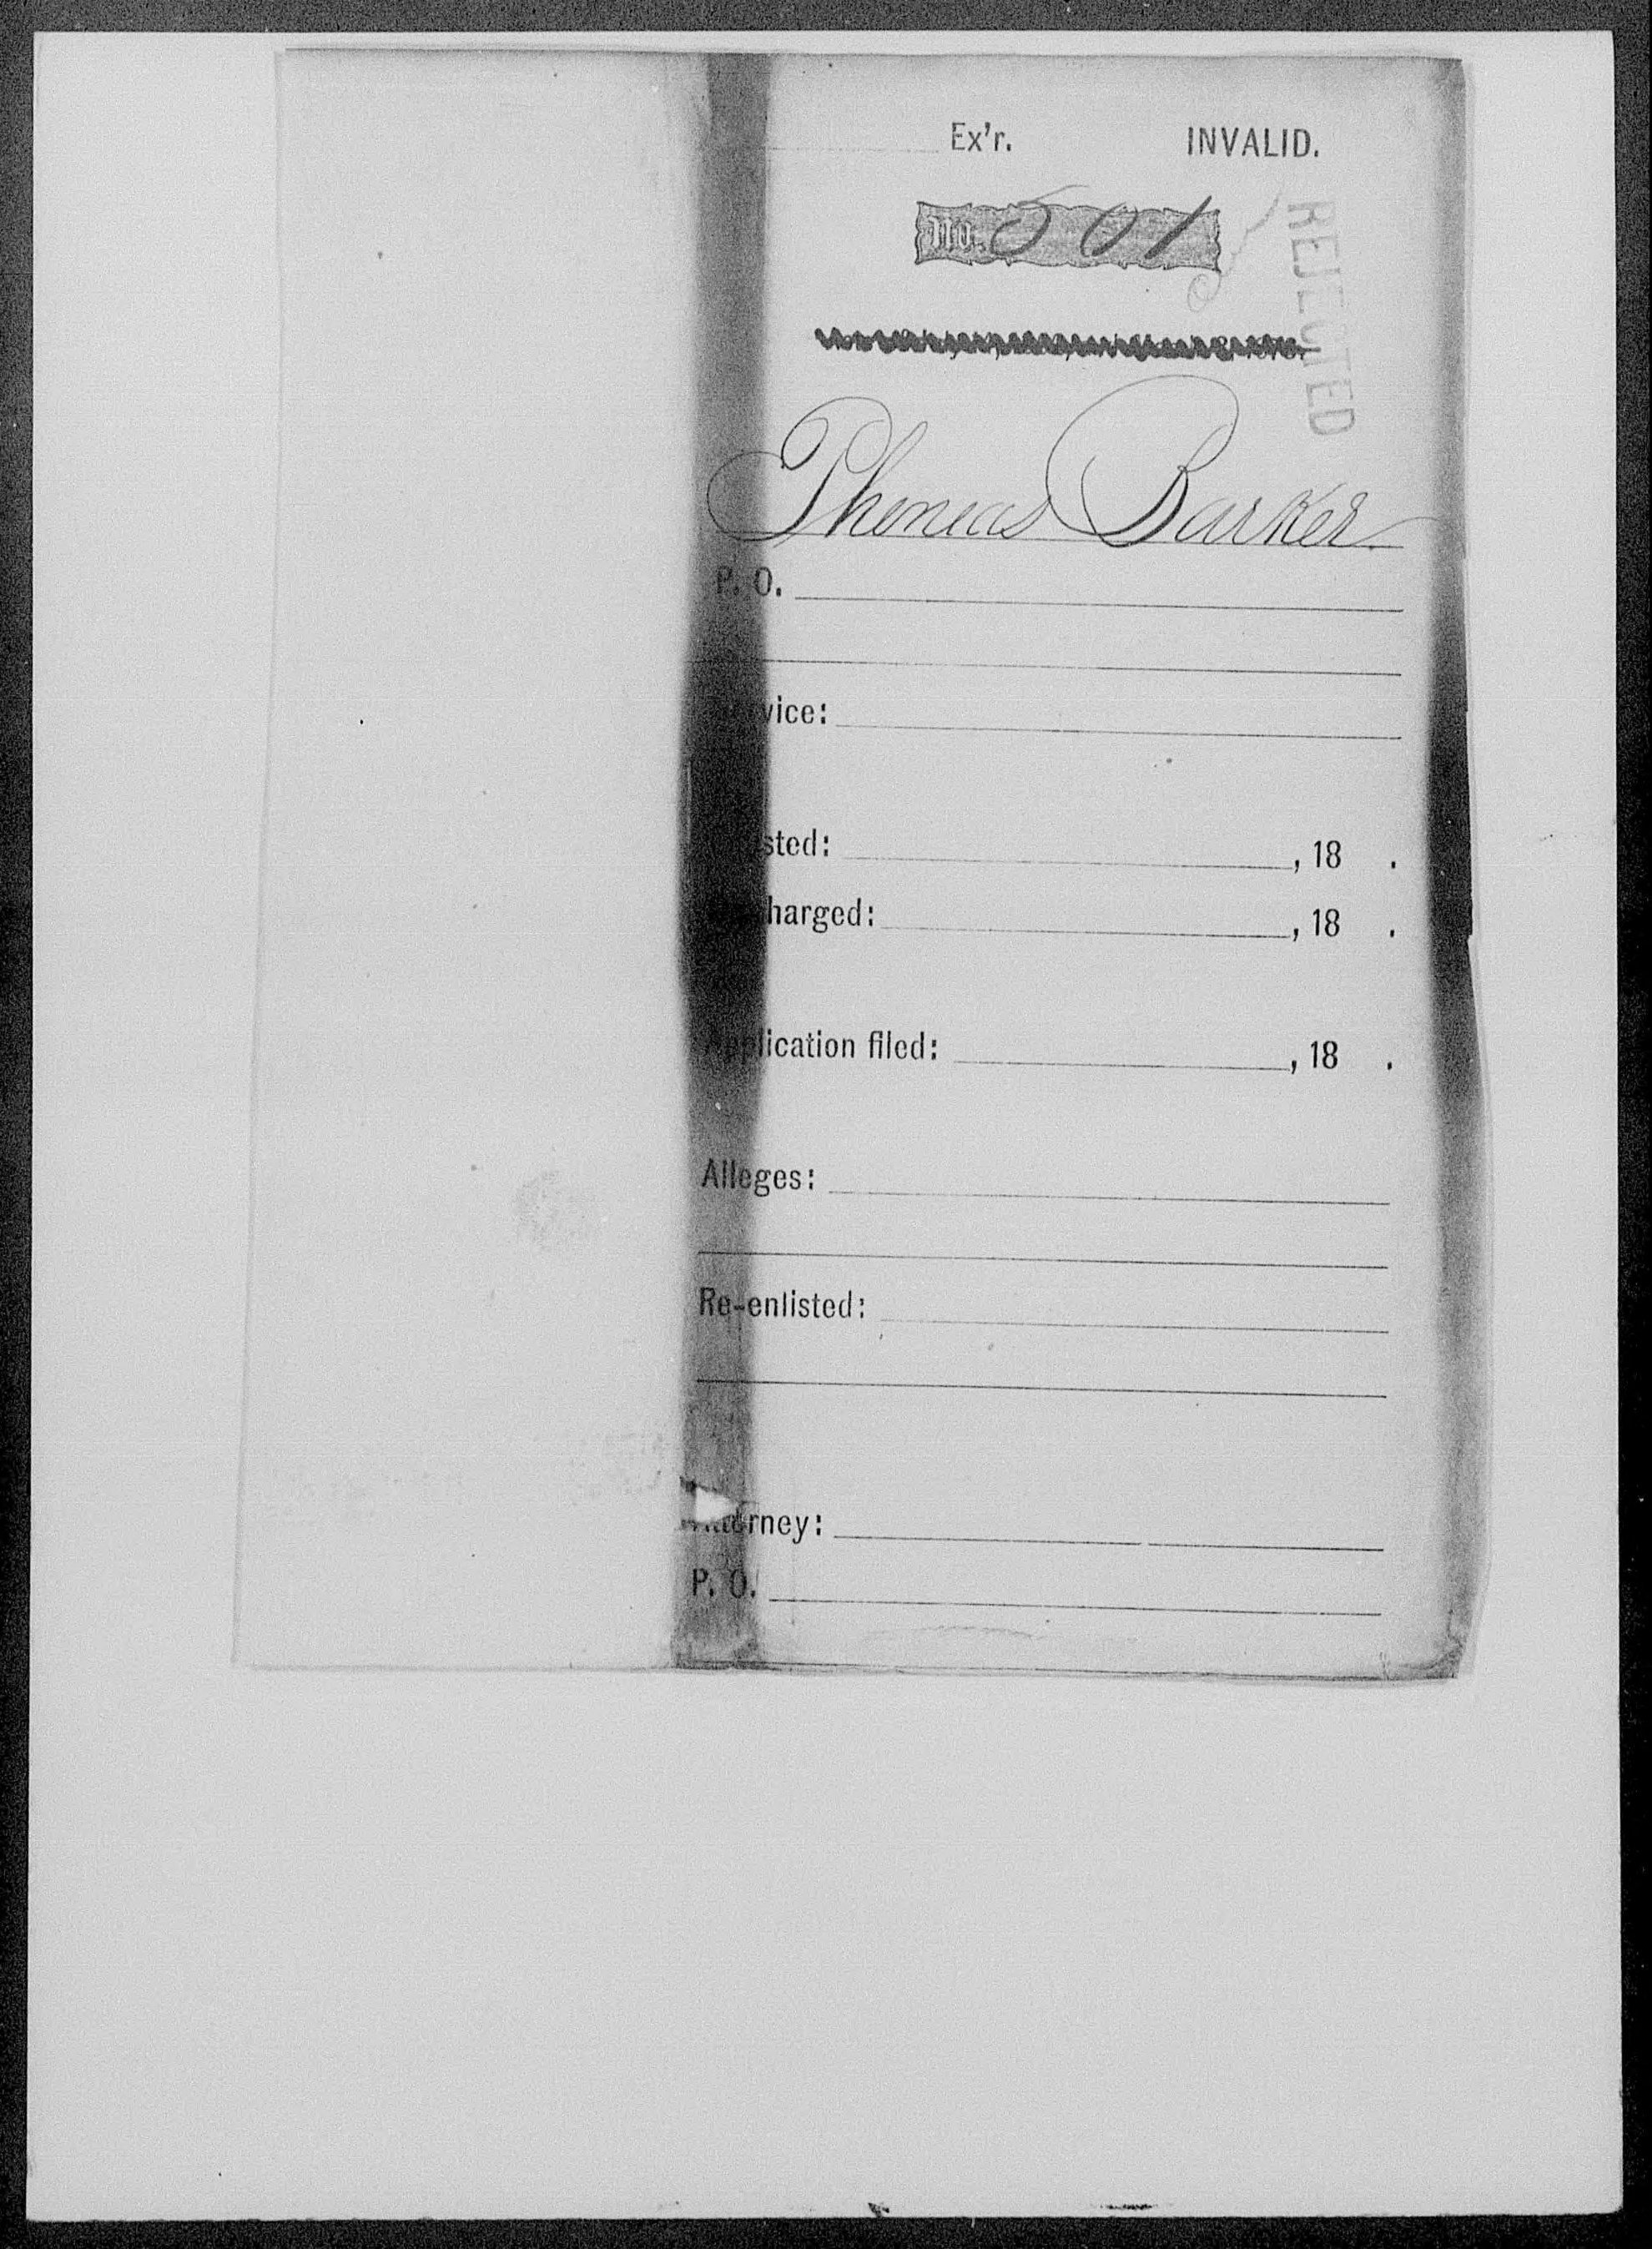Ex’r INVALID
REJECTED
No. 501
OWN
Phineas Barker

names: Pheneas Barker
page: 35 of 35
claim: rejected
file: R. 501, Phineas Barker, Conn. Privateer